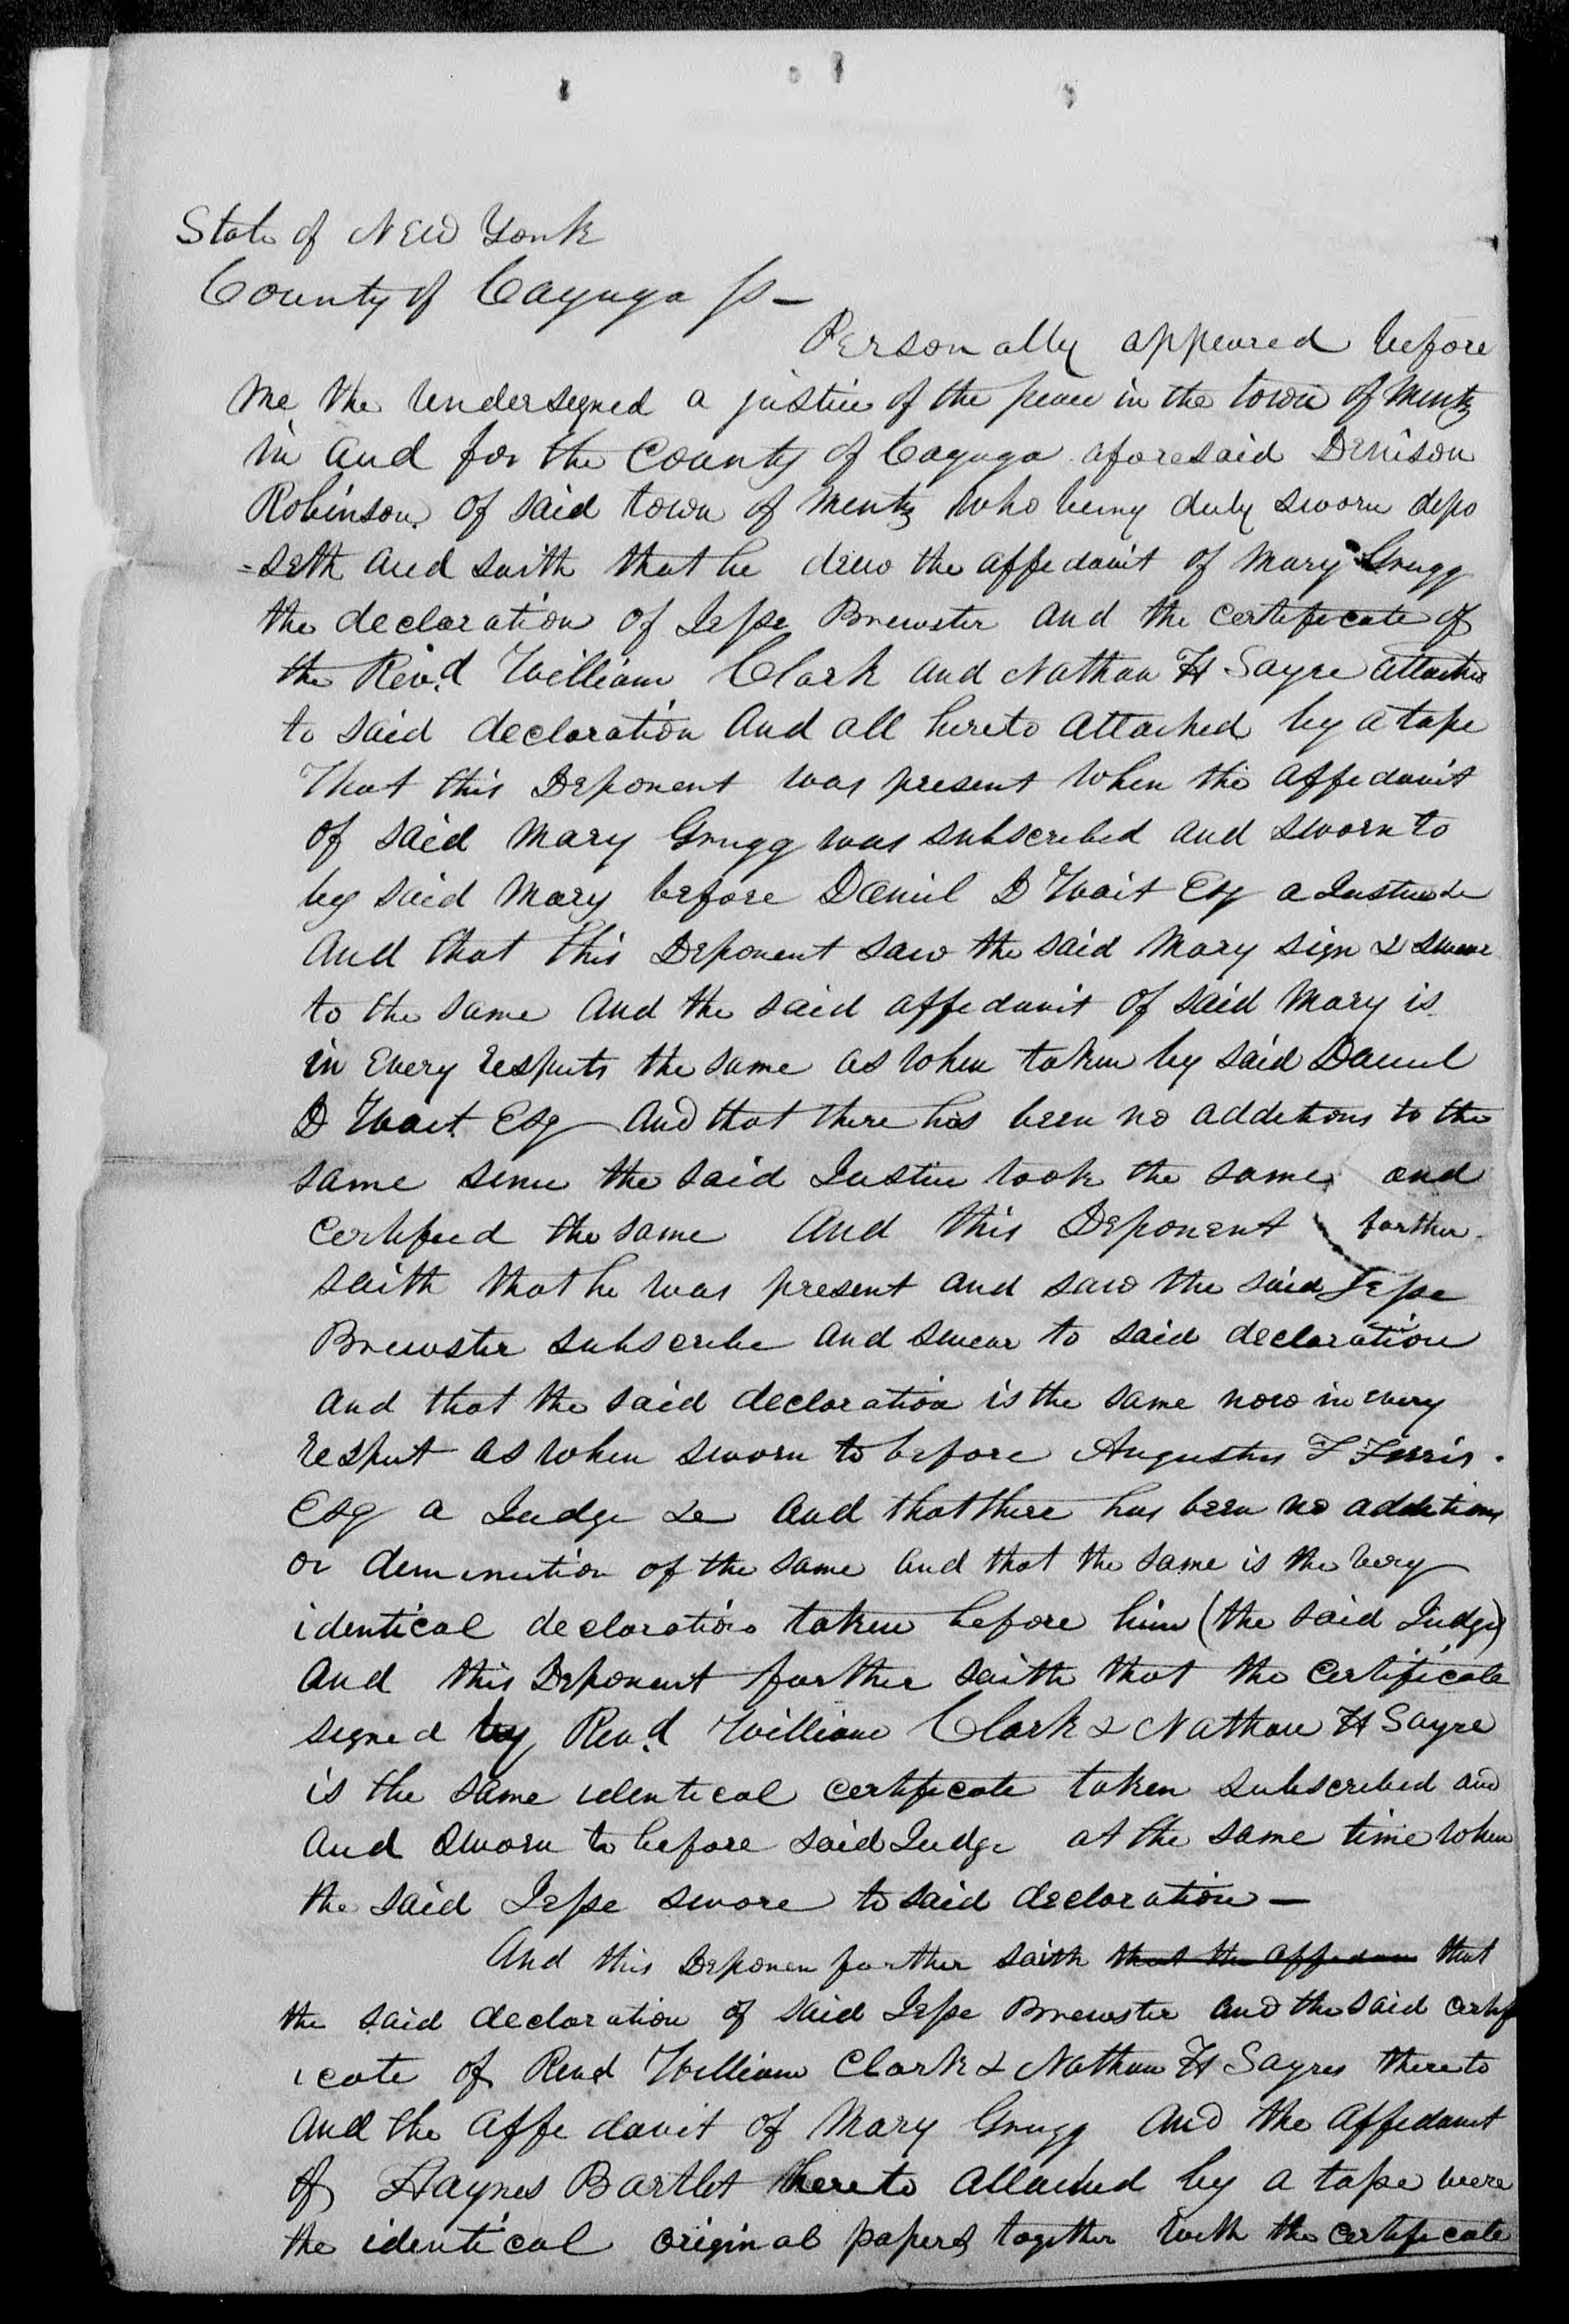State of New York
County of Cayuga
Personally appeared before me the undersigned a Justice of the Peace in the town of Mintz in and for the county of Cayuga aforesaid Denison Robinson of said town of Mintz who being duly sworn deposeth and saith that he drew the affidavit of Mary Greigg the declaration of Jesse Brewster and the certificate of the Rev'd William Clark and Nathan H. Sayer attested to said declaration and all hereto attached by a tape That this deponent was present when the affidavit of said Mary Griegg was subscribed and sworn to by said Mary before Daniel  D Wait Esq a Justus. And that this deponent saw the said Mary sign + sworn to the same and the said affidavit of said Mary is in every respects the same as when taken by said David D Wait esq and that there has been no additions to the same since the said Justice took the same and certified the same and this deponent farther saith that he was present and said the said Jesse Brewster subscribe and swear to said declaration and that the said declaration is the same now in every respect as when sworn to before Augustus F Farris esq a Judge and that there has been no addition or diminution of the same and that the same is the very identical declaration taken before him (the said judge) and this deponent further saith that the certificate signed by Rev'd William Clark + Nathan H Sayne is the same identical certificate taken subscribed and and sworn to before said judge at the same time when the said Jesse swore to said declaration.
And this deponent further saith that the said declaration of said Jesse Brewster and the said certificate of Rev'd William Clark + Nathan H Sayres there to and the affidavit of Mary Griegg and the affidavit of Haynes Bartlett hereto attached by a tape were the identical original papers together with the certificate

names: William Clark, Jesse, Mary, Jesse Brewster, Haynes Bartlet, Mary Griegg, Jesse Brewster, Mary, Nathan H Sayre, Daniel D Wait, Mary Griegg, Augustus F Ferris, Mary, Nathan H Sayre, William Clark, Jesse Brewster, Mary Griegg, Daniel D Wait, Denison Robinson, William Clark, Nathan H Sayre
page: 10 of 26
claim: survivor's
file: S. 12,291, Jesse Brewster, New York